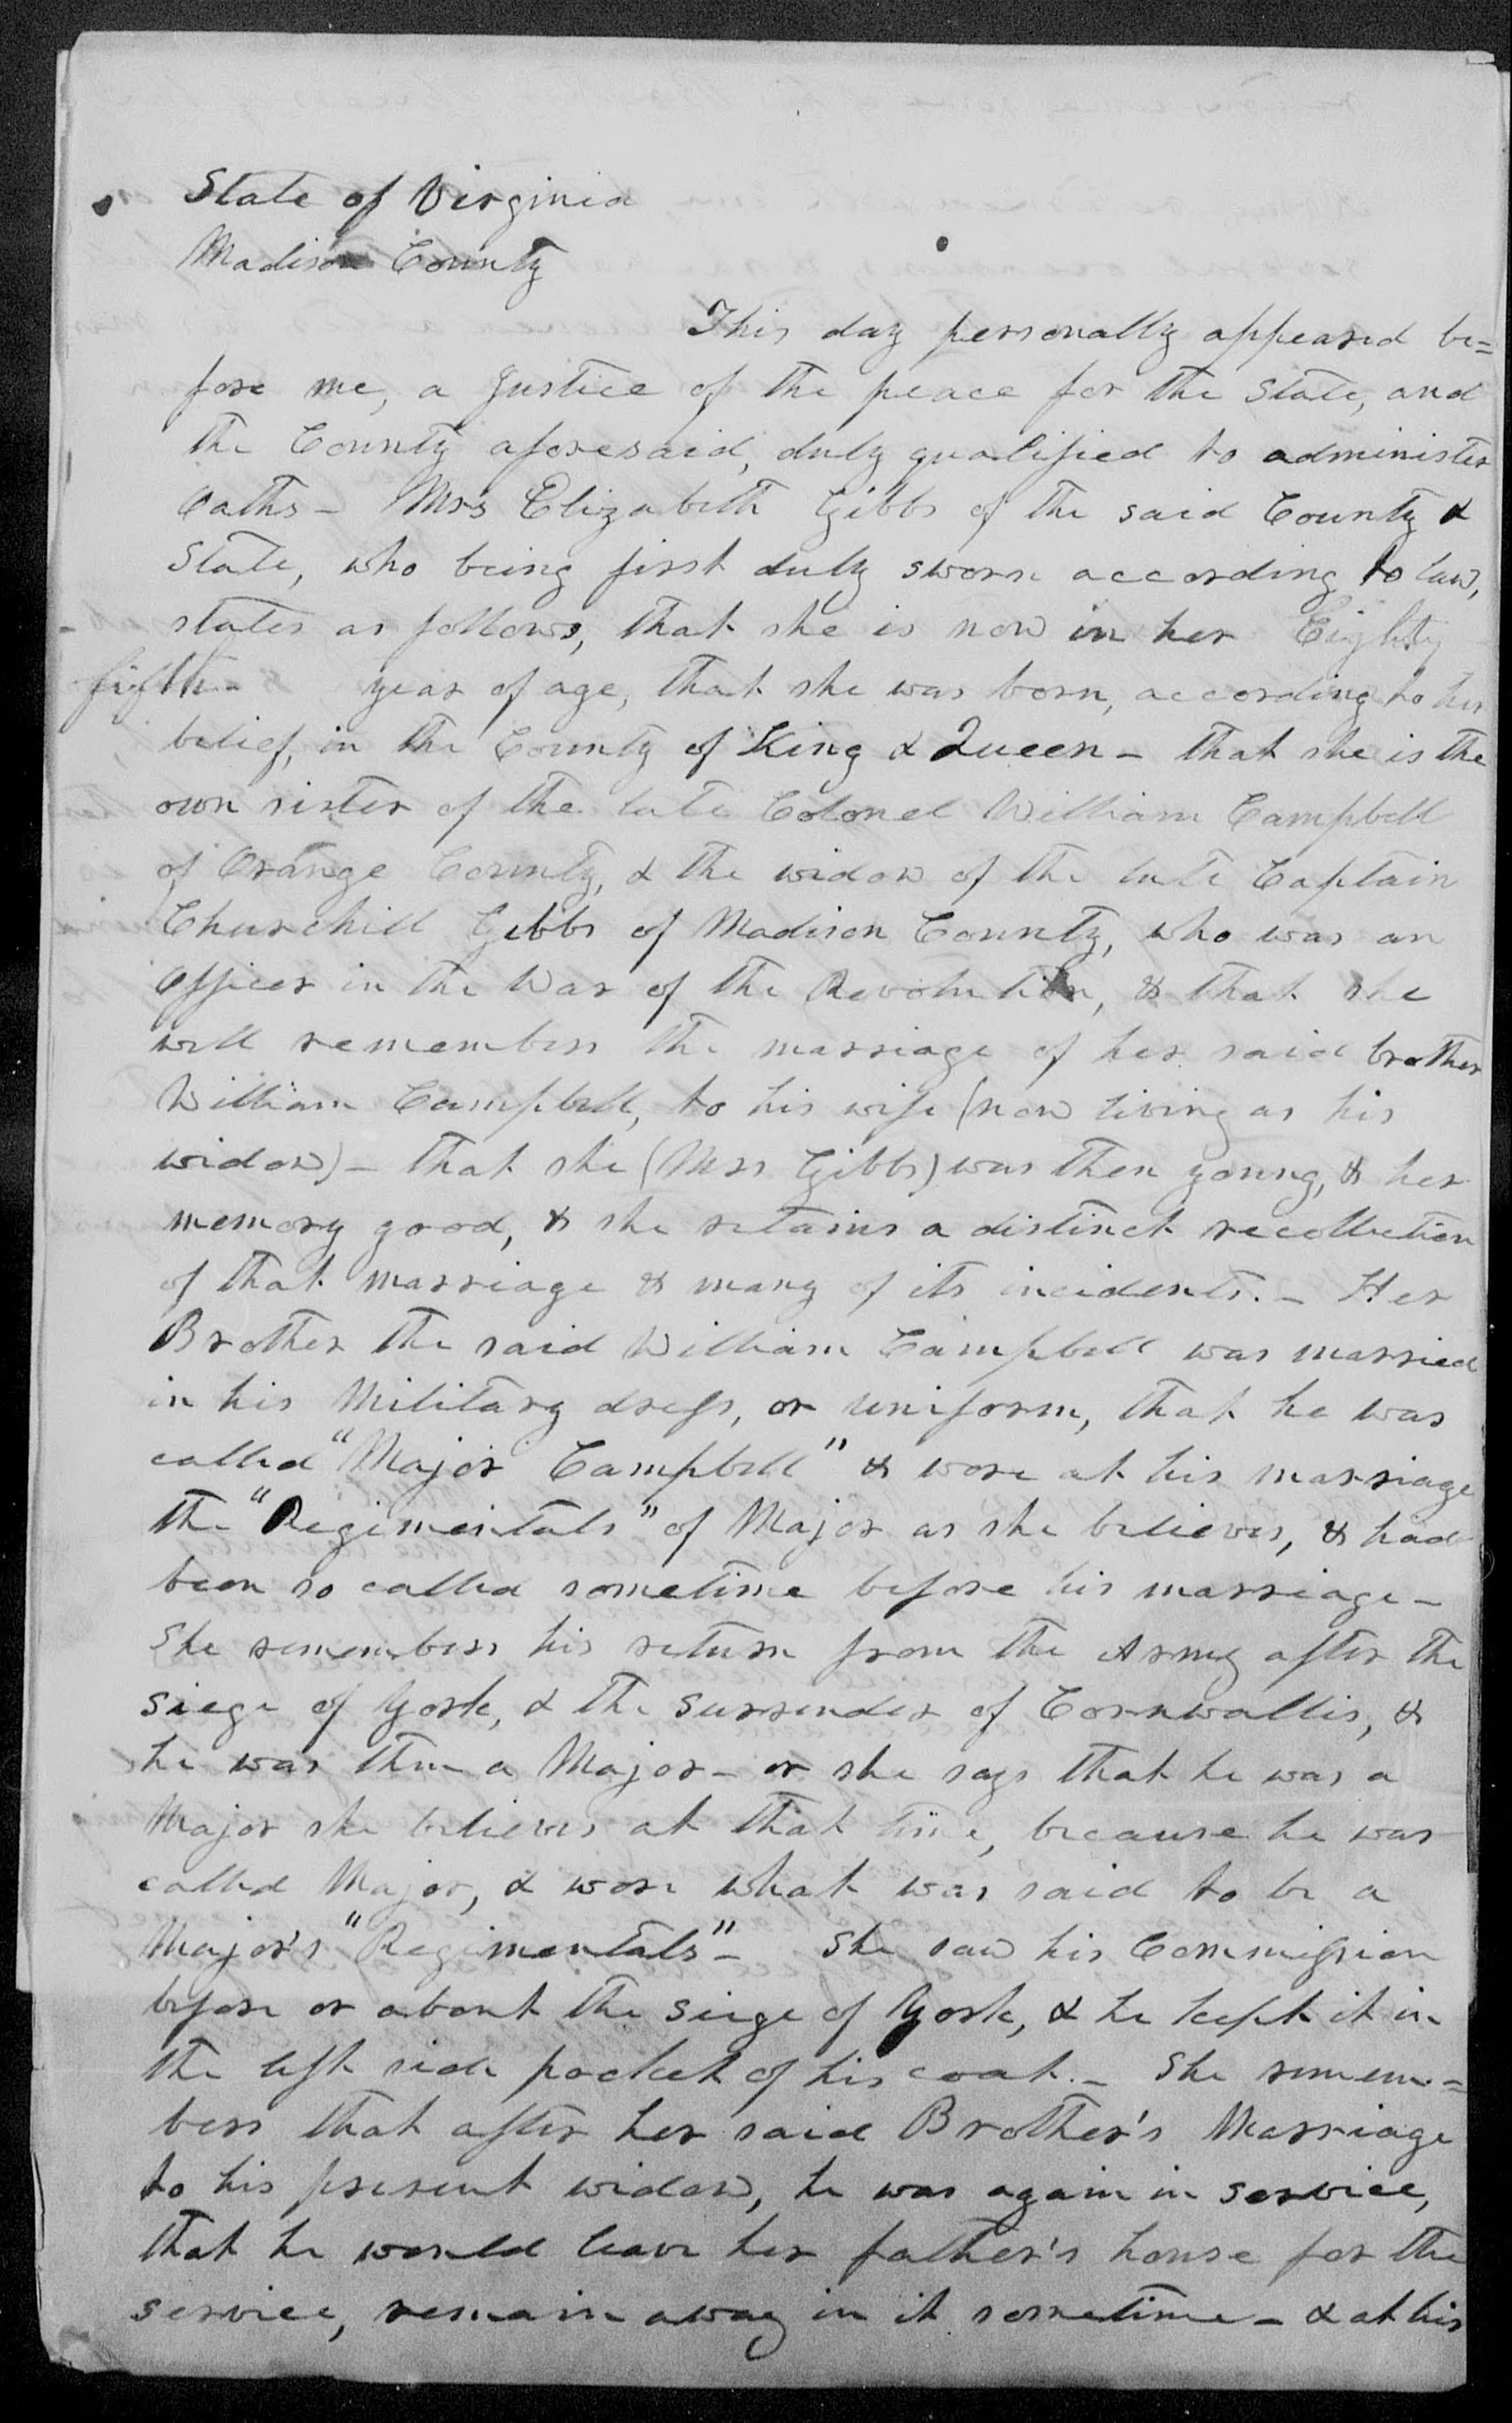State of Virginia
Madison County

This day personally appeared before me a Justice of the Peace for the State, and the County aforesaid, duly qualified to administer oaths __ Mrs Elizabeth Gibbs of the said County +[and] state, who being first duly sworn according to law, states as follows, that she is now in her Eighty fifth year of age, that she was born, according to her belief, in the County of King +[and] Queen __ that she is the own sister of the late Colonel William Campbell of Orange County, +[and] the widow of the late Captain Churchill Gibbs of Madison County, who was an officer in the War of the Revolution, +[and] that she well remembers the marriage of her said brother William Campbell, to his wife (now living as a widow) __ that she (Mrs Gibbs) was then young +[and] her memory good, +[and] she retains a distinct recollection of that marriage +[and] many of its incidents. __  Her Brother the said William Campbell was married in his Military dress, or uniform, that he was called "Major Campbell" or wore at his marriage the "Regimentals" of Major as she believes, +[and] had been so called sometime before his marriage __ She remembers his return from the Army after the siege of York, +[and} the surrender of Cornwallis, +[and] he was then a Major or she says that he was a Major she believes at that time, because he was called Major, +[and] wore what was said to be a major's "Regimentals" __.  She saw his Commission before or about the siege of York, +[and] he kept it in the left side pocket of his coat. _. She remembers that after her said Brother's Marriage to his present widow, he was again in service, that he would leave her father's house for the service, remain away in it sometime _ +[and] at his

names: William Campbell, Gibbs, William Campbell, William Campbell, Elizabeth Gibbs, Campbell, Churchill Gibbs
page: 25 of 267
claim: widow's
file: W. 4,149, William Campbell, Va.